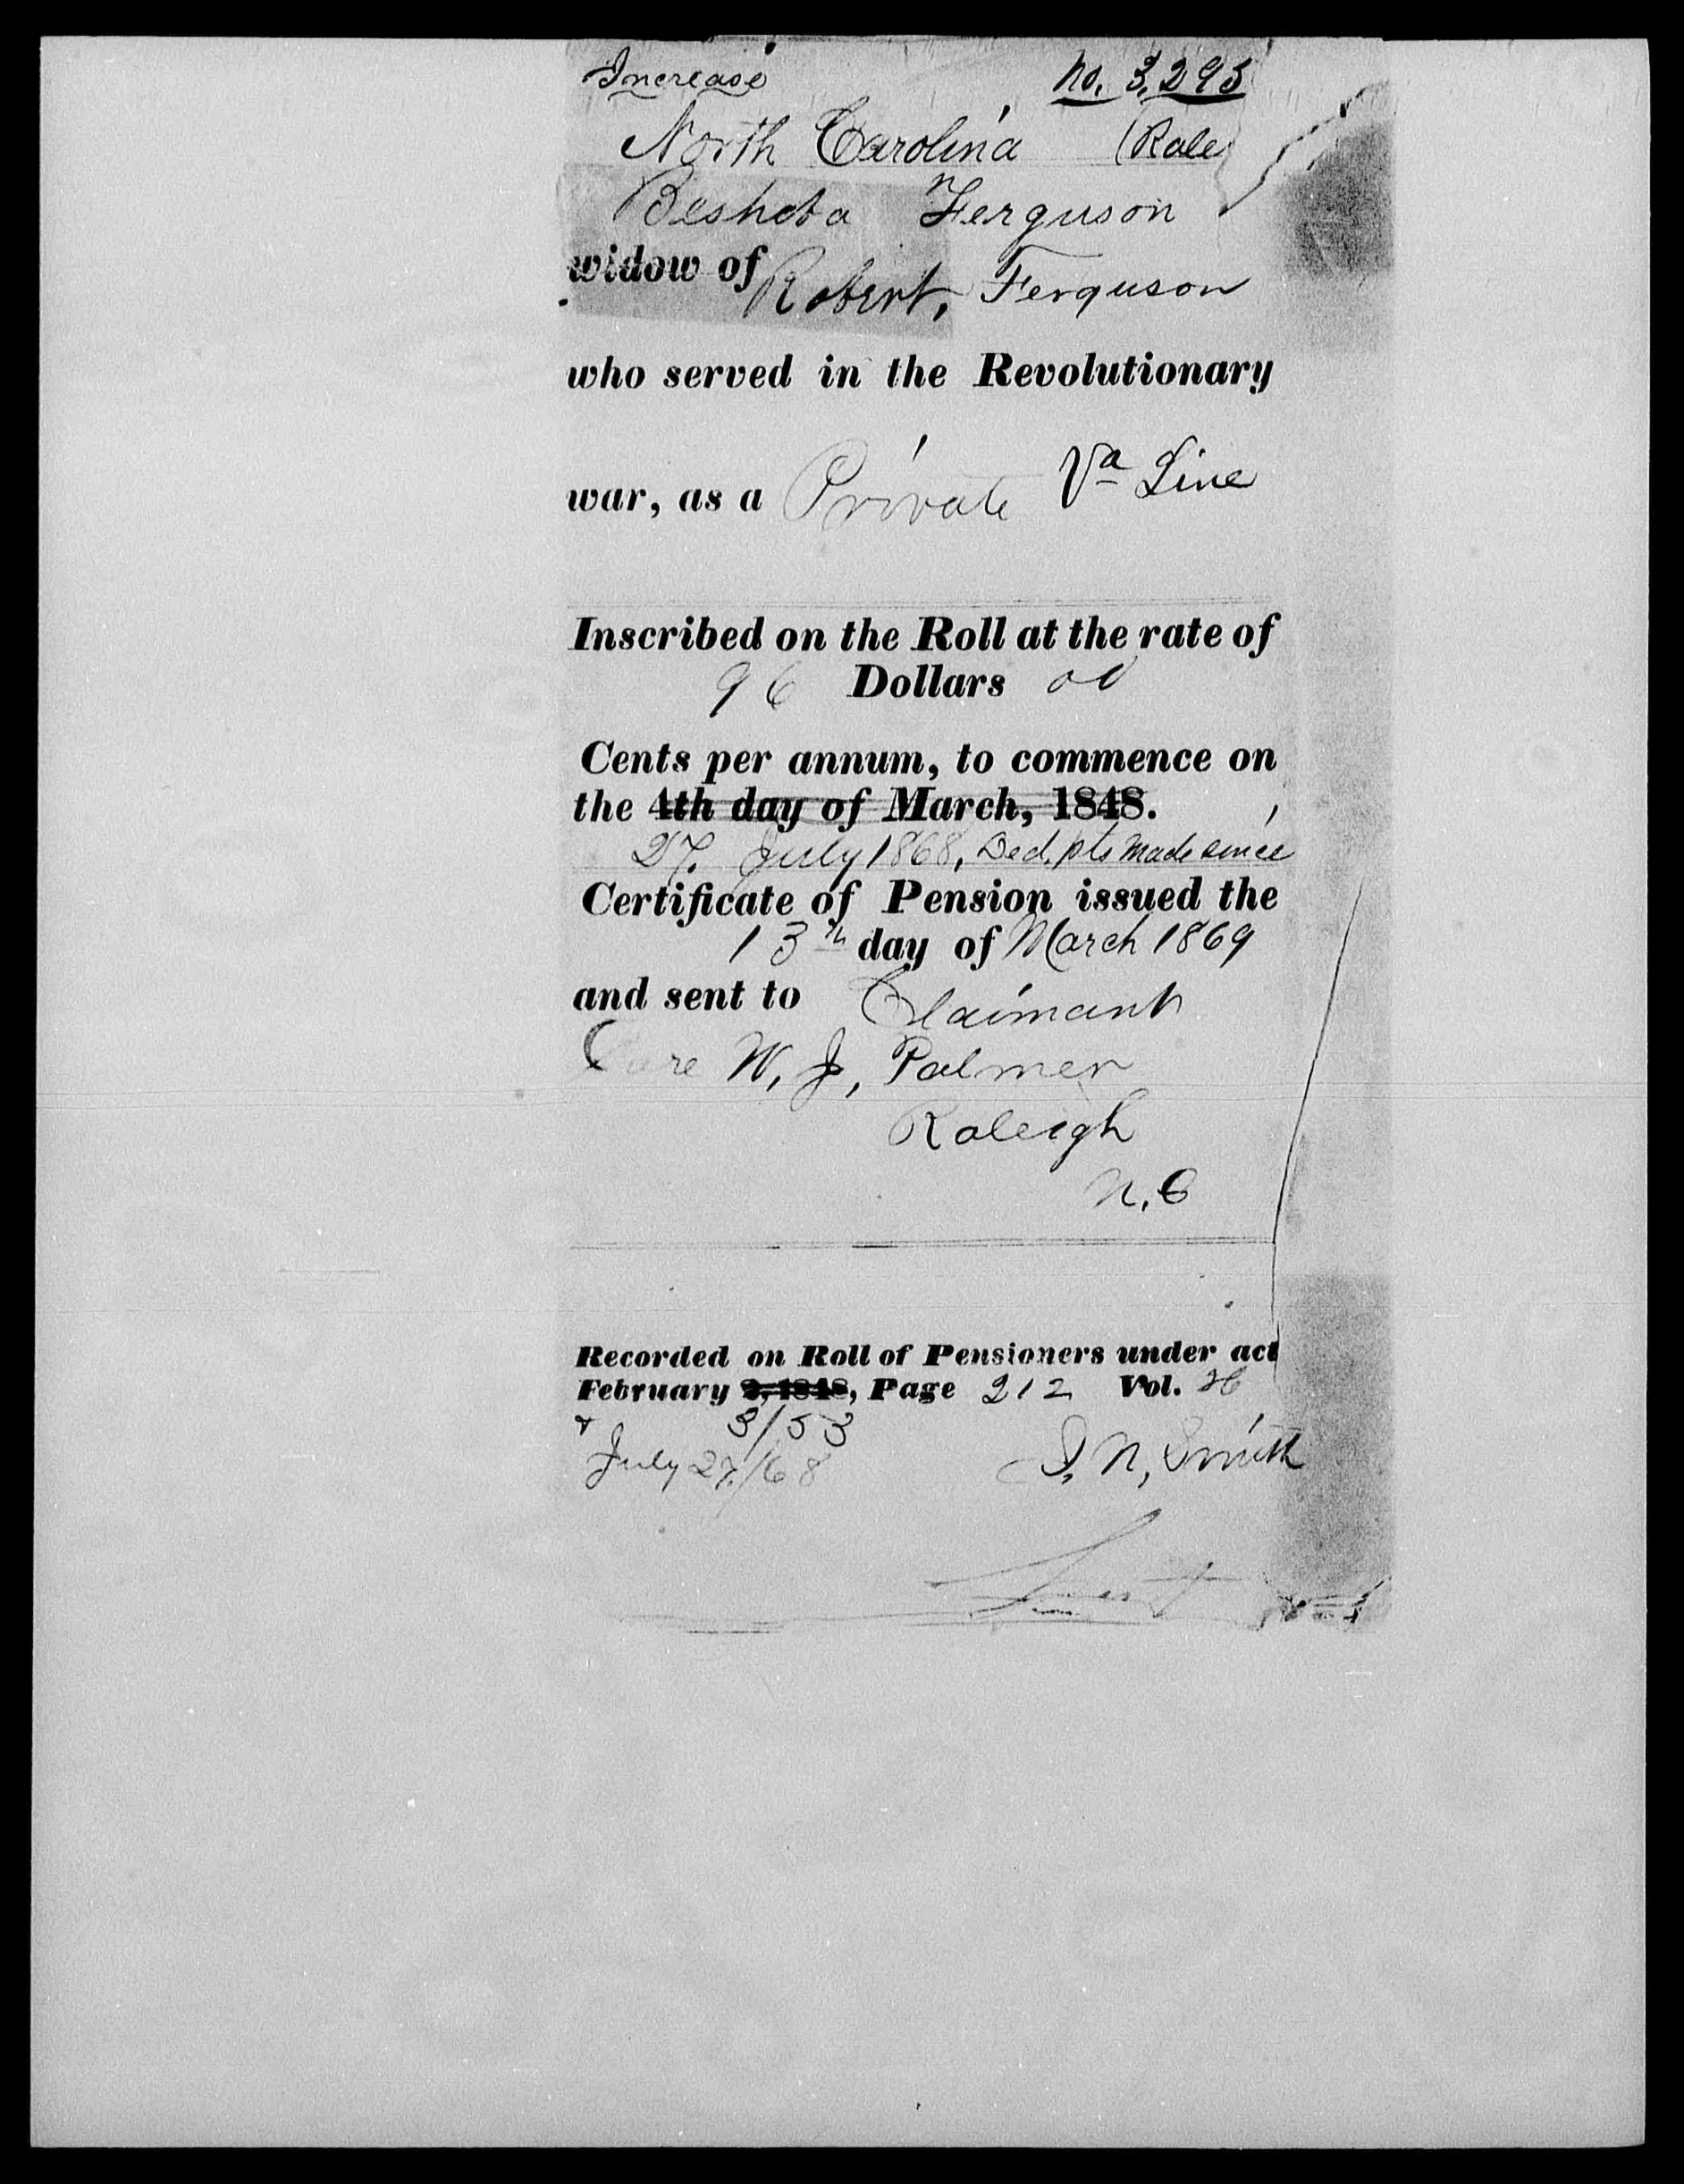Increase
No. 3,295
North Carolina [illegible]
Beshoba Ferguson
widow of Robert Ferguson who served in the Revolutionary War, as a Private - Va. Line

Inscribed on the Roll at the rate of 96 Dollars 00 Cents per annum, to commence on [crossed out: 4th day of March, 1848] 27 July 1868 [illegible] pts made since Certificate of Pension issued the 13th day of March 1869 and sent to Claimant
Care W.J. Palmer
Raleigh
N.C.

Recorded on Roll of Pensioners under act February 3/53 and July 27/68, Page 212, Vol. 26 
J.N. Smith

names: Besheba Ferguson, W J Palmer, Robert Ferguson, J N Smith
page: 2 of 81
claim: widow's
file: W. 7262, Robert Ferguson, Va.